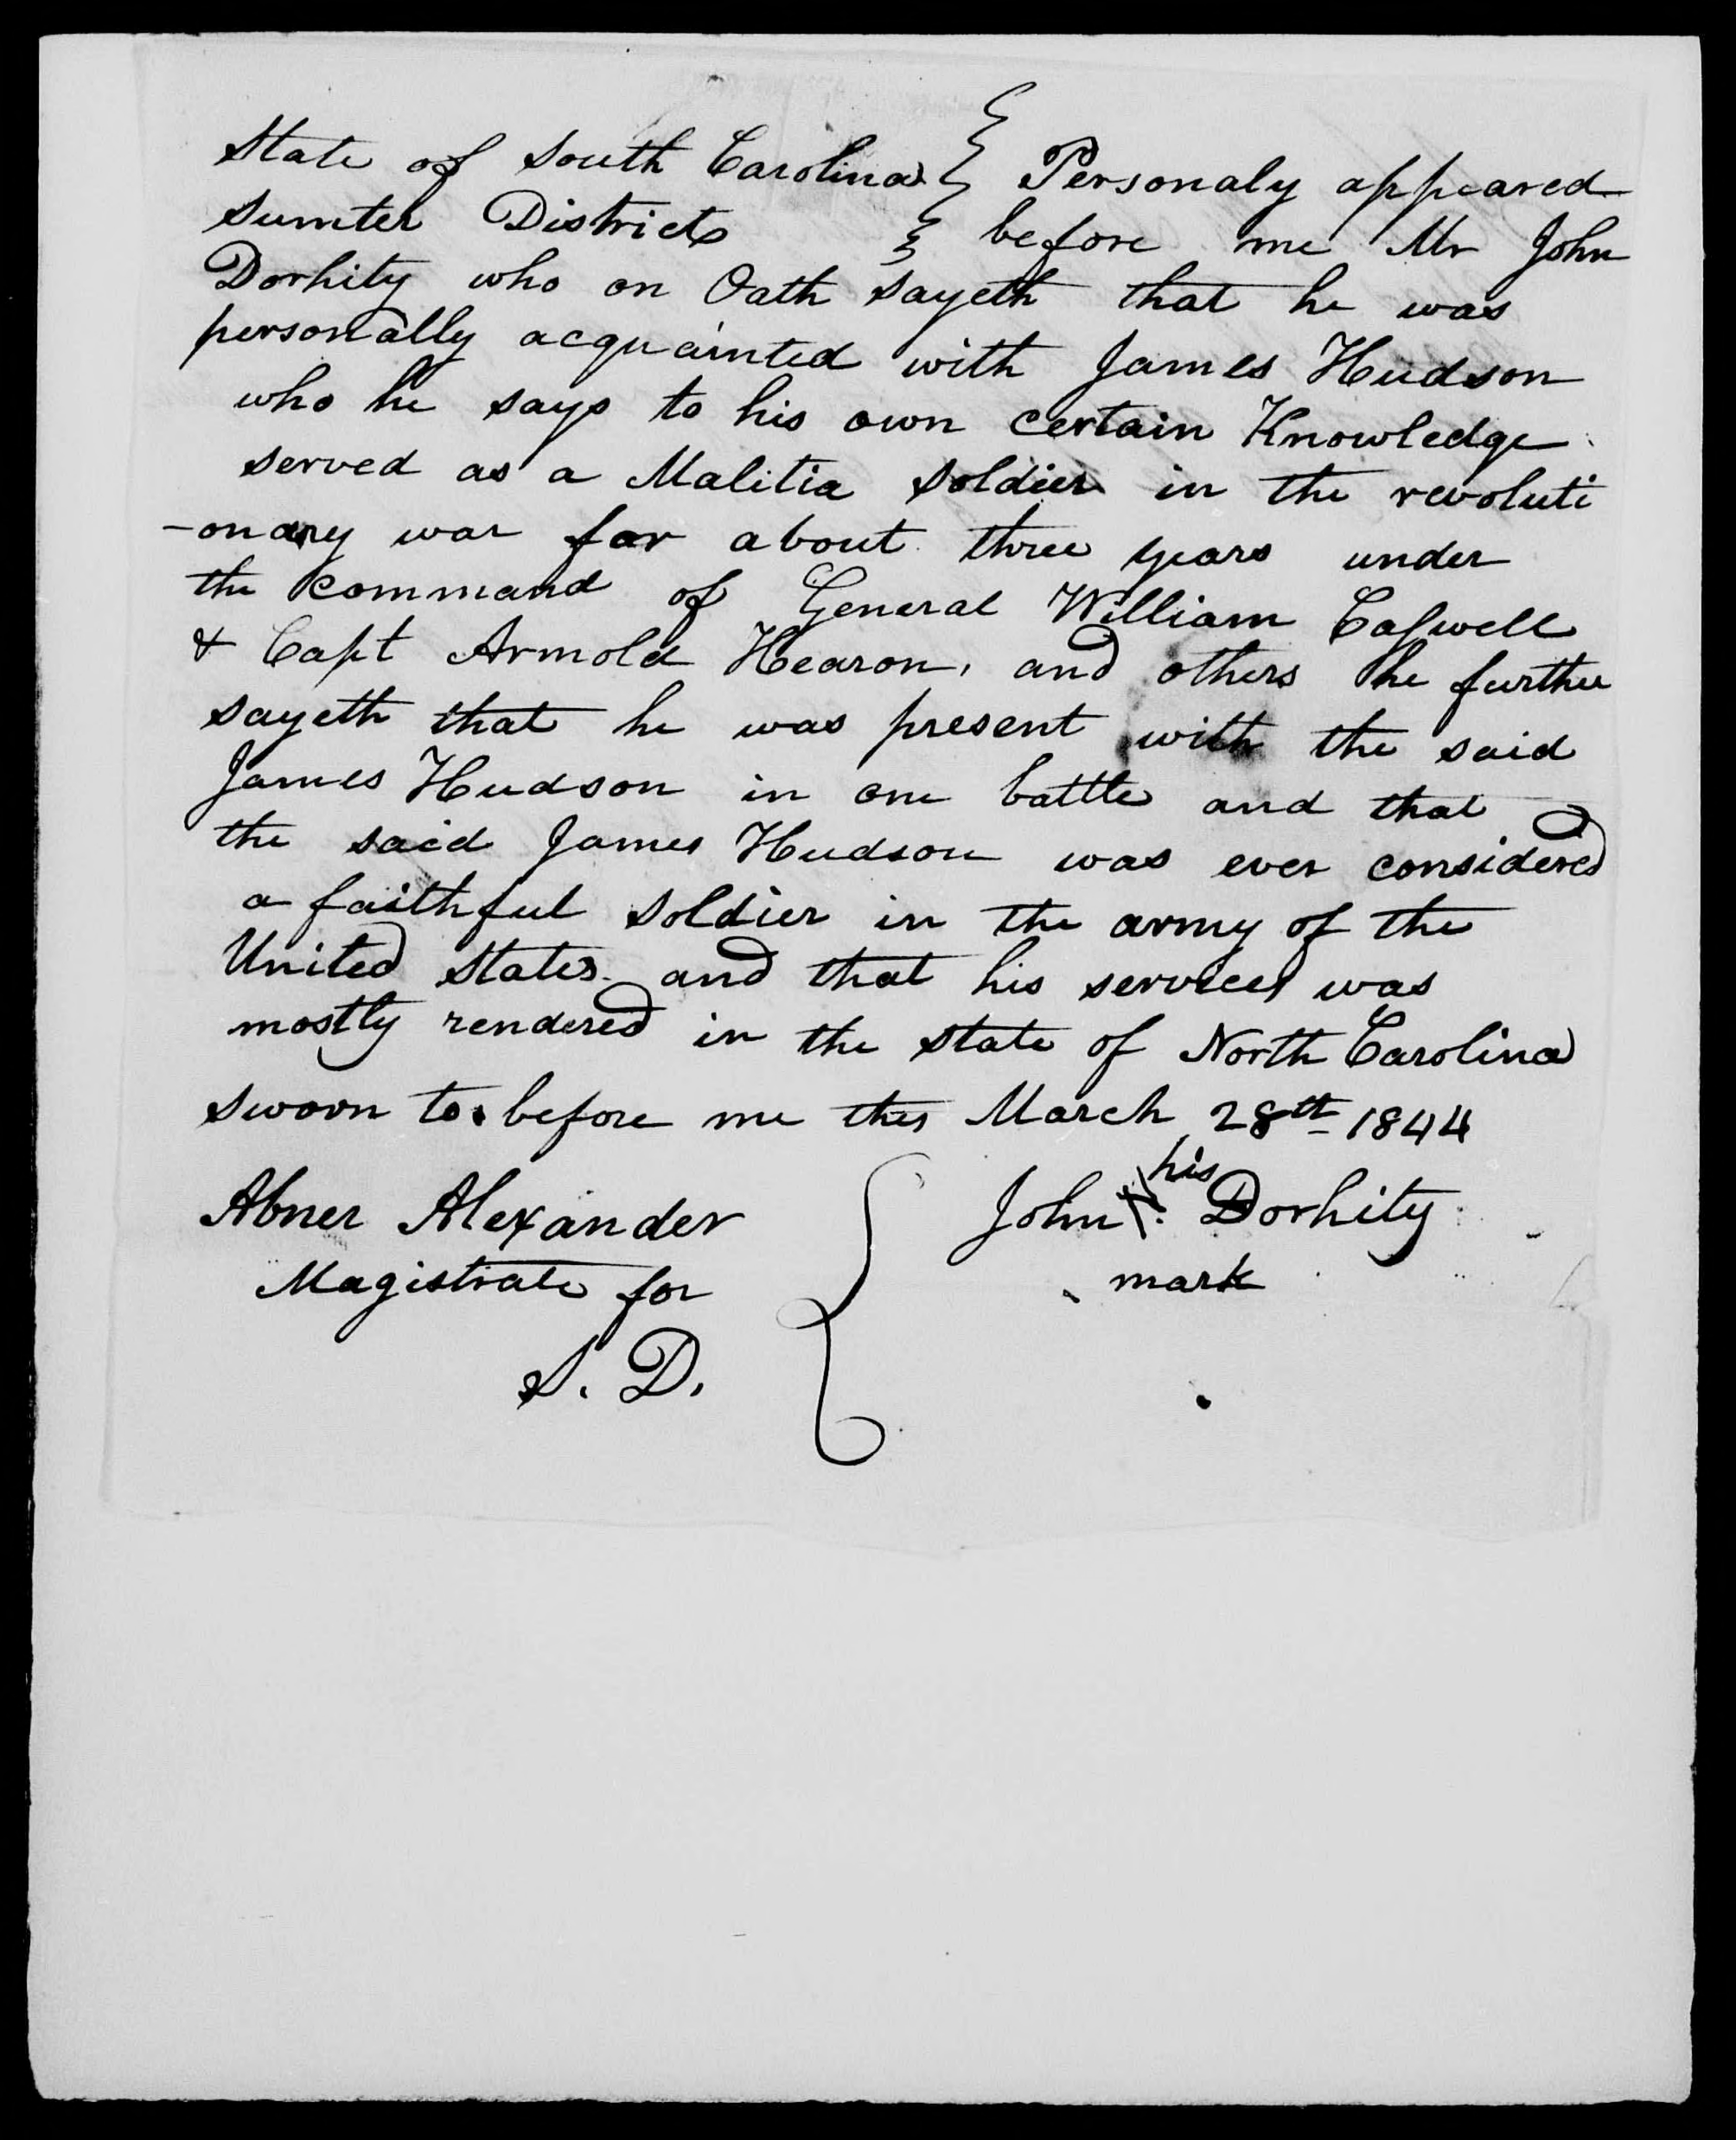State of South Carolina  | 
Sumter District               |Personaly appeared before me Mr John Dorhity who on Oath sayeth that he was personally acquainted with James Judson who he says to his own certain knowledge served as a Malitia soldier in the revolutionary war for about three years under the command of General William Cafwell + Capt Arnold Hearon, and others he furthersayeth that he was present with the said James Hudson in one battle and that the said James Hudson was ever considered a faithful soldier in the army of the United States and that his services was mostly rendered in the state of North Carolina sworn to before me this March 28th 1844
Honer Alexander  }  John ^his Dorhity
Magistrate for       }           mark
S. D.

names: John N Dorhity, Armold Hearon, William Casswell, Abner Alexander, James Hudson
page: 18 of 33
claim: rejected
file: R. 5334, James Hudson, N.C.